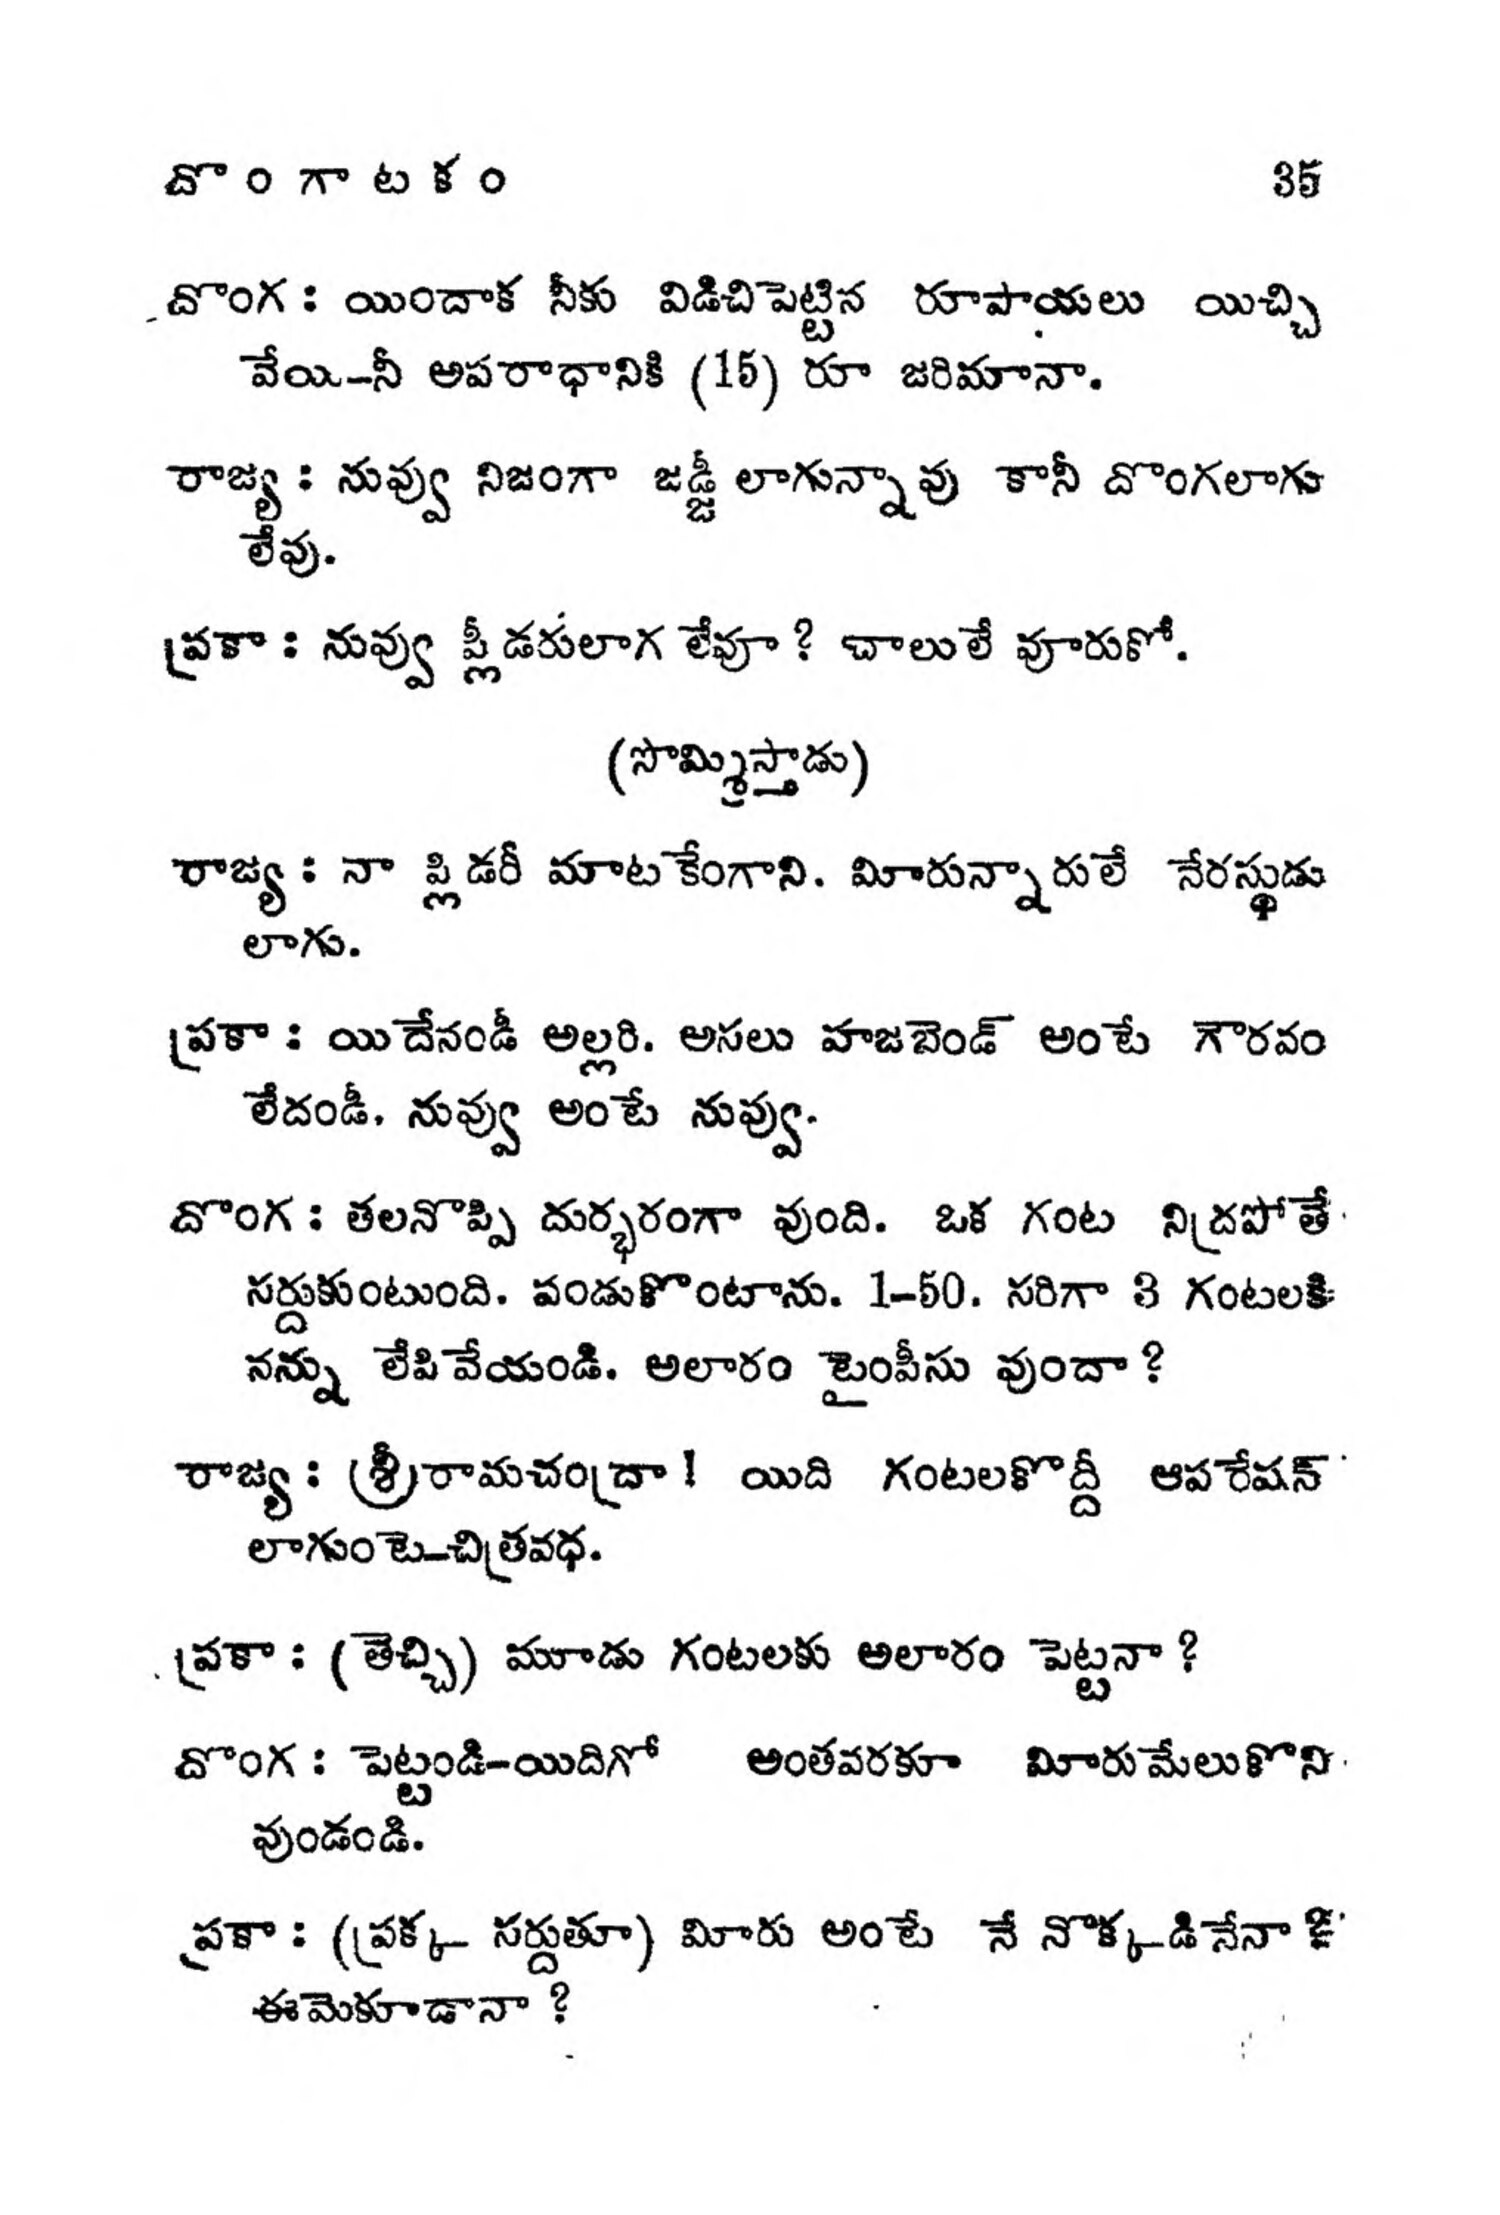దొంగ : యిందాక నీకు విడిచిపెట్టిన రూపాయలు యిచ్చివేయి-నీ అపరాధానికి (15) రూ జరిమానా.

రాజ్య : నువ్వు నిజంగా జడ్జీ లాగున్నావు కానీ దొంగలాగు లేవు.

ప్రకా : నువ్వు ప్లీడరులాగ లేవూ? చాలులే వూరుకో.

రాజ్య : నా ప్లిడరీ మాటకేంగాని. మీరున్నారులే నేరస్థుడులాగు.

ప్రకా : యిదేనండీ అల్లరి. అసలు హజబెండ్ అంటే గౌరవం లేదండీ. నువ్వు అంటే నువ్వు-

దొంగ : తలనొప్పి దుర్భరంగా వుంది. ఒక గంట నిద్రపోతే సర్దుకుంటుంది. పండుకొంటాను. 1–50. సరిగా 3 గంటలకి
నన్ను లేపివేయండి. అలారం టైంపీసు వుందా ?

రాజ్య : శ్రీరామచంద్రా ! యిది గంటలకొద్దీ ఆపరేషన్ లాగుంటె-చిత్రవధ.

ప్రకా : (తెచ్చి) మూడు గంటలకు అలారం పెట్టనా ?

దొంగ : పెట్టండి-యిదిగో అంతవరకూ మీరుమేలుకొని వుండండి.

ప్రకా : (ప్రక్క సర్దుతూ) మీరు అంటే నే నొక్కడినేనా ?' ఈమెకూడానా ?